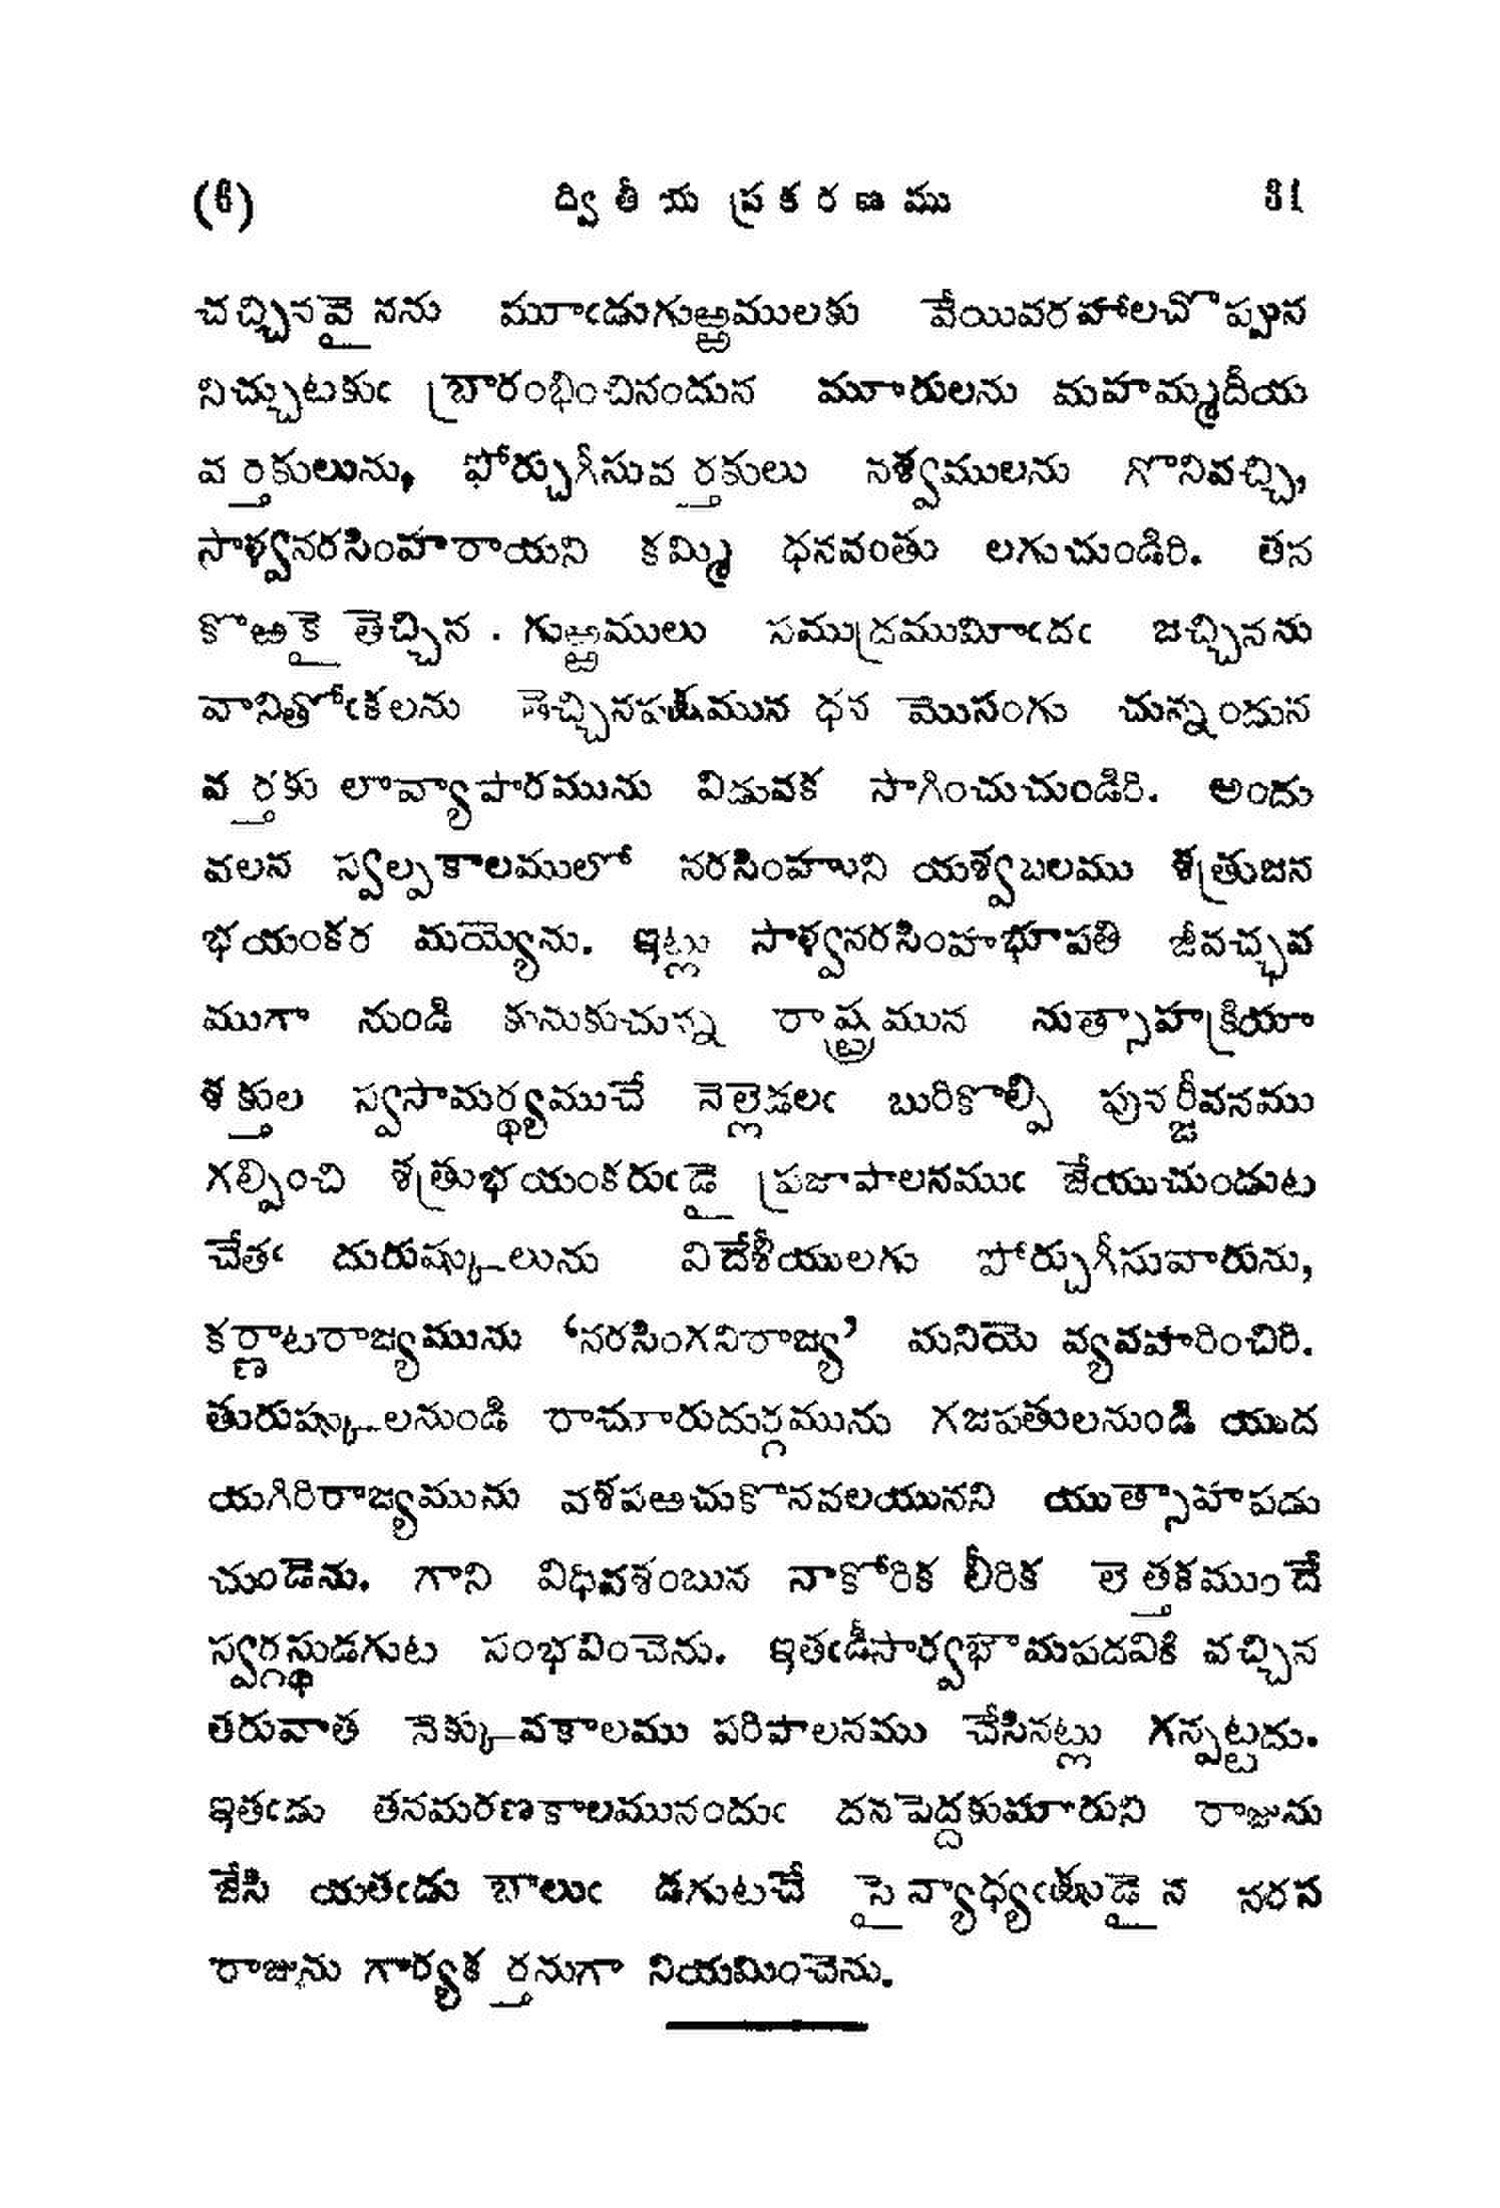చచ్చినవైనను మూఁడుగుఱ్ఱములకు వేయివరహాలచొప్పున నిచ్చుటకుఁ బ్రారంభించినందున మూరులను మహమ్మదీయ వర్తకులును, ఫోర్చుగీసువర్తకులు నశ్వములను గొనివచ్చి, సాళ్వనరసింహరాయని కమ్మి ధనవంతు లగుచుండిరి. తన కొఱకై తెచ్చిన గుఱ్ఱములు సముద్రముమీఁదఁ జచ్చినను వానితోఁకలను తెచ్చినపక్షమున ధన మొసంగు చున్నందున వర్తకు లావ్యాపారమును విడువక సాగించుచుండిరి. అందువలన స్వల్పకాలములో నరసింహుని యశ్వబలము శత్రుజన భయంకర మయ్యెను. ఇట్లు సాళ్వనరసింహభూపతి జీవచ్చవముగా నుండి కునుకుచున్న రాష్ట్రమున నుత్సాహక్రియాశక్తుల స్వసామర్థ్యముచే నెల్లెడలఁ బురికొల్పి పునర్జీవనము గల్పించి శత్రుభయంకరుఁడై ప్రజాపాలనముఁ జేయుచుండుట చేతఁ దురుష్కులును విదేశీయులగు పోర్చుగీసువారును, కర్ణాటరాజ్యమును 'నరసింగనిరాజ్య' మనియె వ్యవహరించిరి. తురుష్కులనుండి రాచూరుదుర్గమును గజపతులనుండి యుదయగిరిరాజ్యమును వశపఱచుకొనవలయునని యుత్సాహపడు చుండెను. గాని విధివశంబున నాకోరిక లీరిక లెత్తకముందే స్వర్గస్థుడగుట సంభవించెను. ఇతఁడీ సార్వభౌమపదవికి వచ్చిన తరువాత నెక్కువకాలము పరిపాలనము చేసినట్లు గస్పట్టదు. ఇతఁడు తనమరణకాలమునందుఁ దనపెద్దకుమారుని రాజును జేసి యతఁడు బాలుఁ డగుటచే సెన్యాధ్యక్షుడైన నరసరాజును గార్యకర్తనుగా నియమించెను.

___________